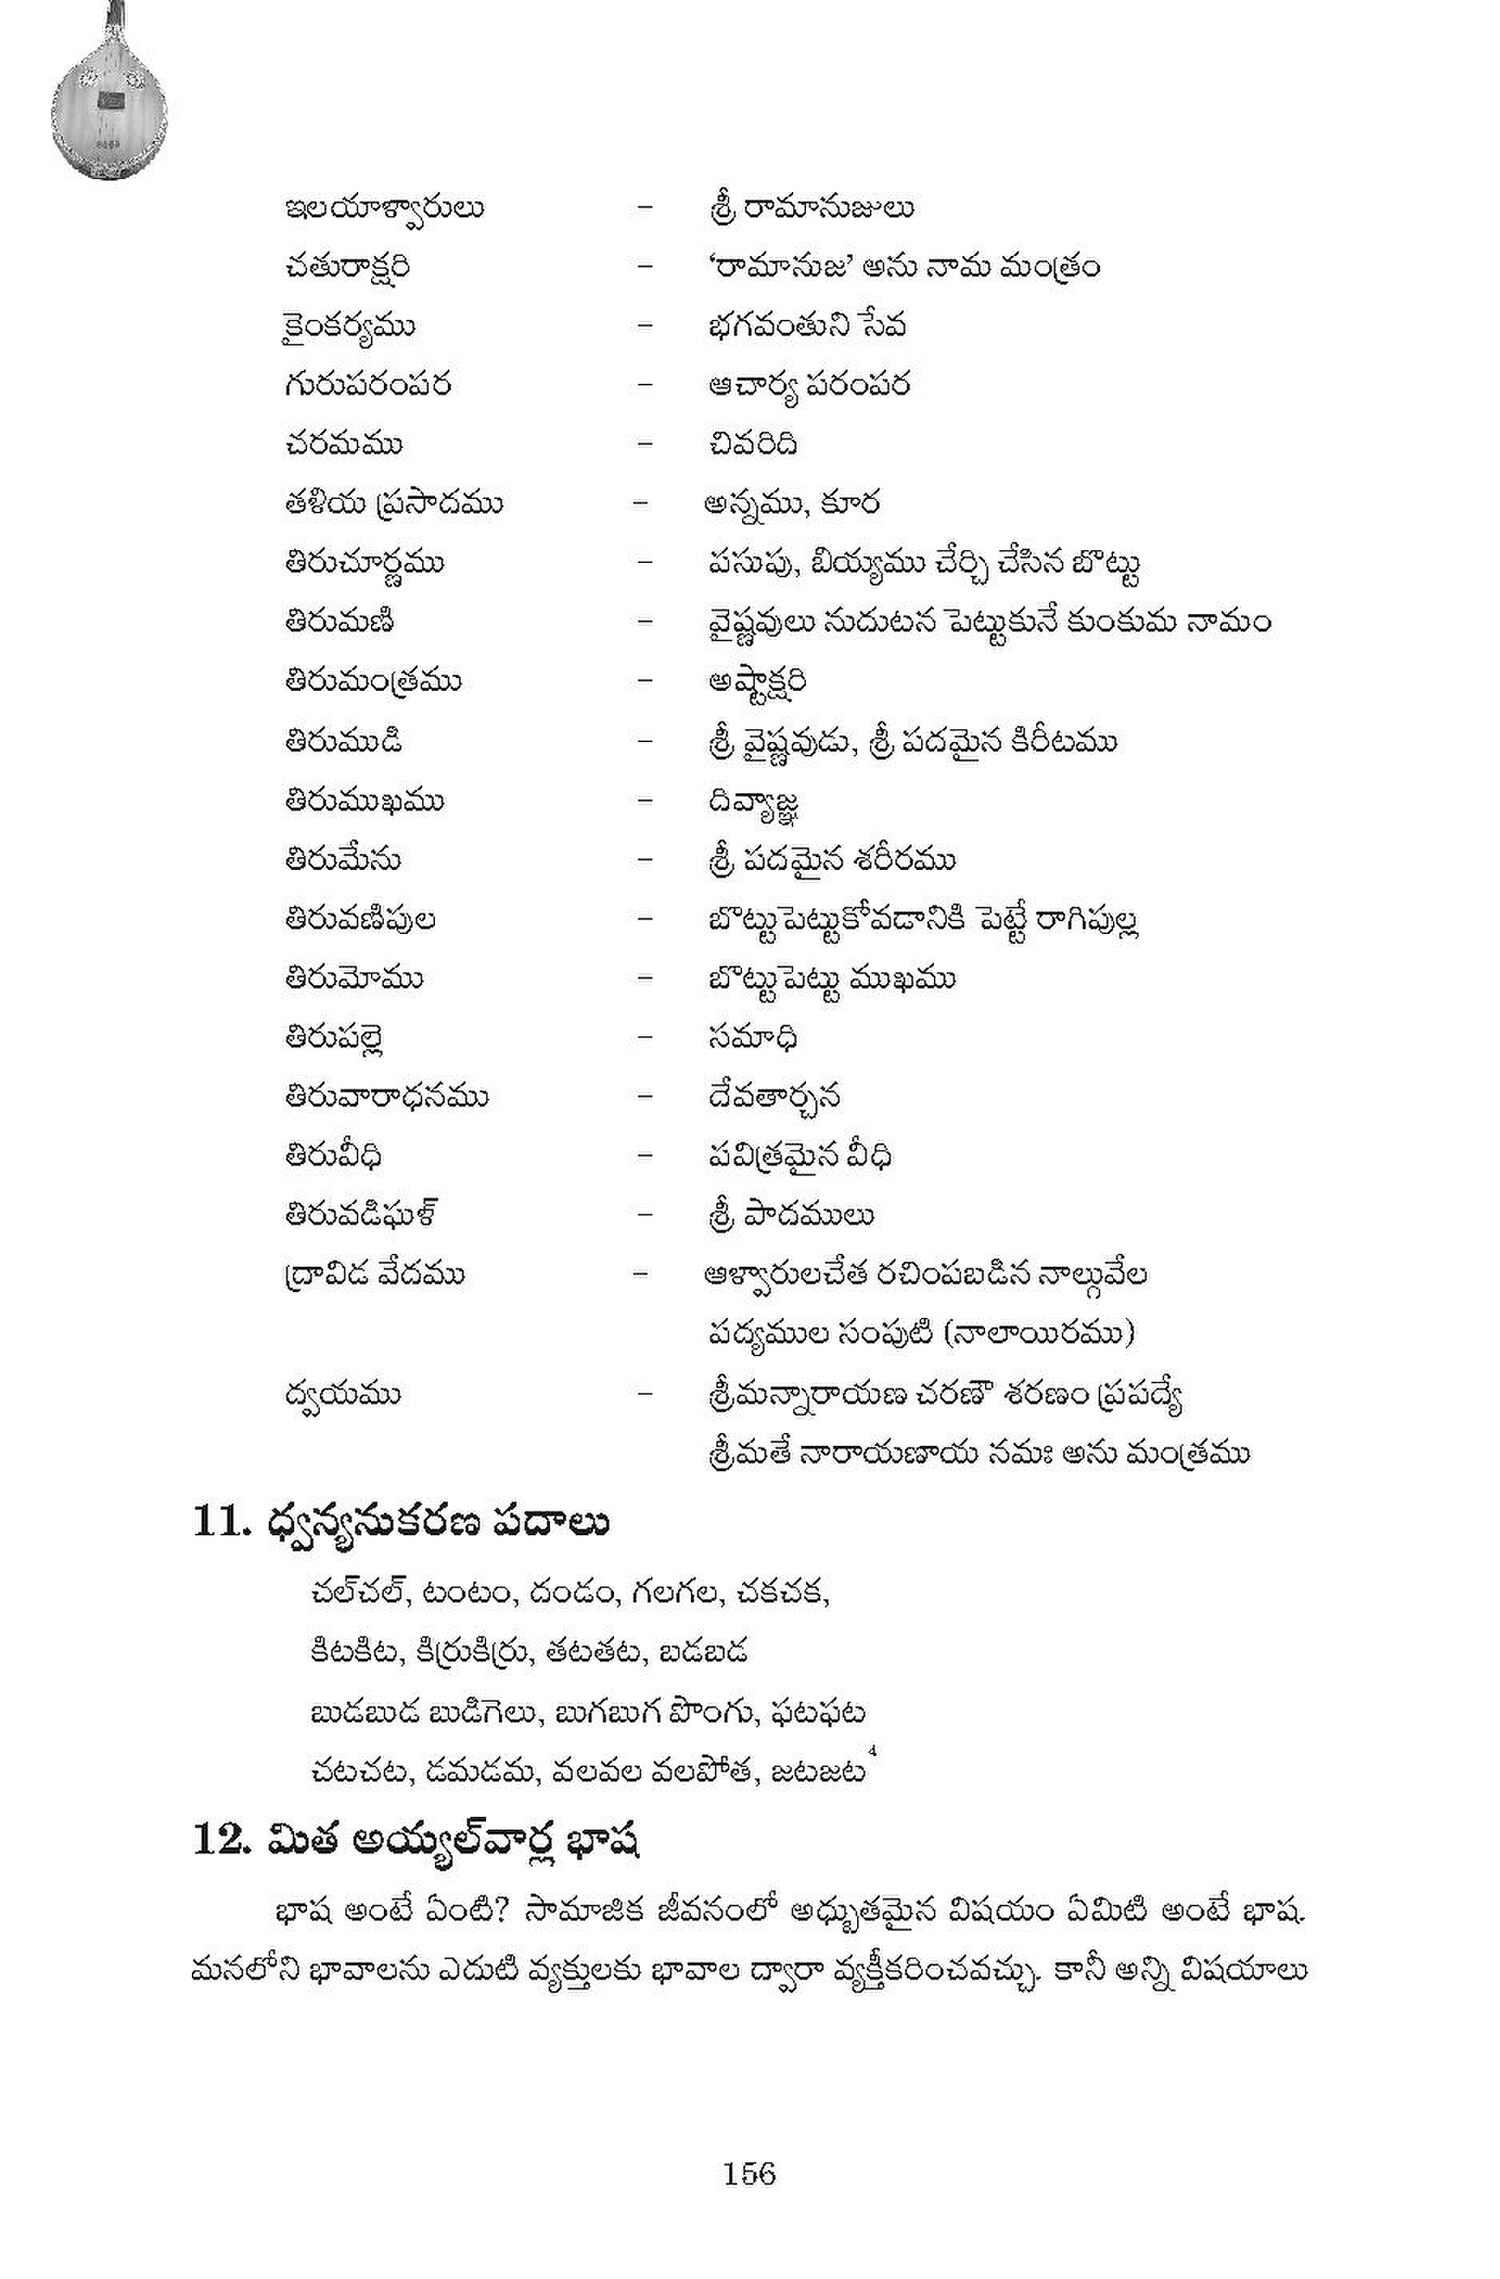+ ఇలయాళ్వారులు శ్రీ రామానుజులు చతురాక్షరి 'రామానుజ' అను నామ మంత్రం కైంకర్యము భగవంతుని సేవ గురుపరంపర ఆచార్య పరంపర చరమము చివరిది తళియ ప్రసాదము అన్నము, కూర తిరుచూర్ణము పసుపు, బియ్యము చేర్చి చేసిన బొట్టు తిరుమణి వైష్ణవులు నుదుటన పెట్టుకునే కుంకుమ నామం తిరుమంత్రము అష్టాక్షరి తిరుముడి శ్రీ వైష్ణవుడు, శ్రీ పదమైన కిరీటము తిరుముఖము దివ్యాజ్ఞ తిరుమేను శ్రీ పదమైన శరీరము తిరువణిపుల బొట్టుపెట్టుకోవడానికి పెట్టే రాగిపుల్ల తిరుమోము బొట్టుపెట్టు ముఖము తిరుపల్లె సమాధి తిరువారాధనము దేవతార్చన తిరువీధి పవిత్రమైన వీధి తిరువడిఘళ్ శ్రీ పాదములు ద్రావిడ వేదము ఆళ్వారులచేత రచింపబడిన నాల్గువేల పద్యముల సంపుటి (నాలాయిరము) ద్వయము శ్రీమన్నారాయణ చరణా శరణం ప్రపద్యే శ్రీమతే నారాయణాయ నమః అను మంత్రము

11. ధ్వన్యనుకరణ పదాలు 

చల్ చల్, టంటం, దండం, గలగల, చకచక,
కిటకిట, కిర్రుకిర్రు, తటతట, బడబడ
బుడిగెలు, బుగబుగ పొంగు, ఫటఫట
చటచట, డమడమ, వలవల వలపోత, జటజట4

12. మిత అయ్యల్వార్ల భాష 

భాష అంటే ఏంటి? సామాజిక జీవనంలో అధ్భుతమైన విషయం ఏమిటి అంటే భాష. మనలోని భావాలను ఎదుటి వ్యక్తులకు భావాల ద్వారా వ్యక్తీకరించవచ్చు. కానీ అన్ని విషయాలు